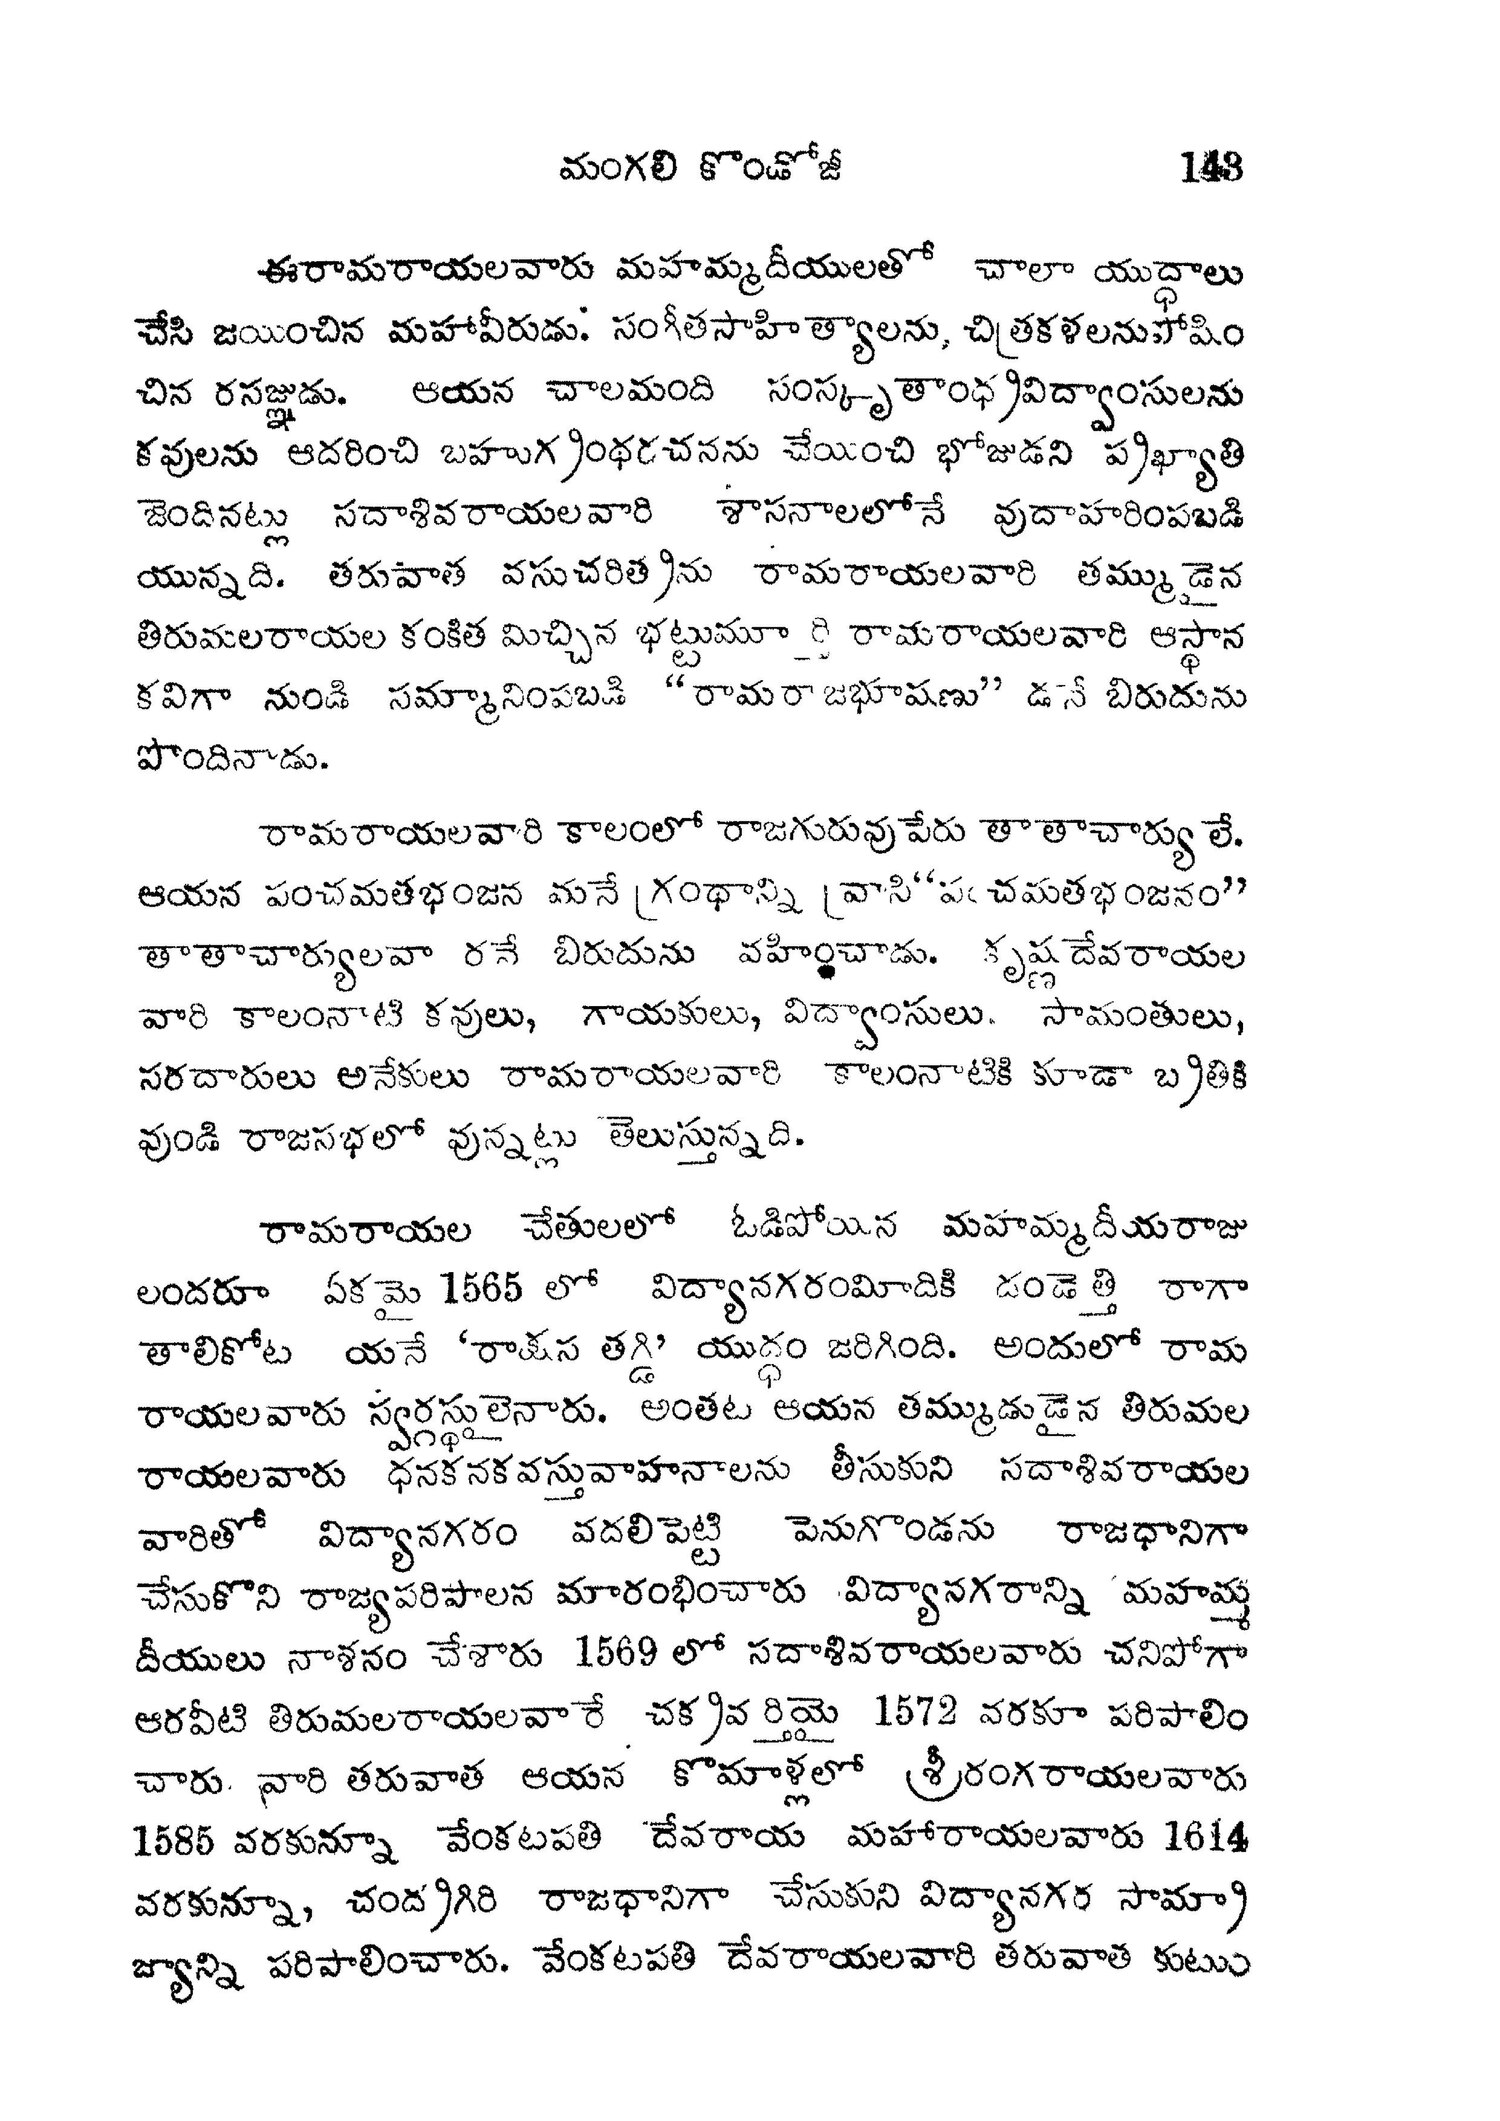ఈరామరాయలవారు మహమ్మదీయులతో చాలా యుద్ధాలు చేసి జయించిన మహావీరుడు, సంగీతసాహిత్యాలను చిత్రకళలను పోషించిన రసజ్ఞుడు. ఆయన చాలమంది సంస్కృతాంధ్రవిద్వాంసులను కవులను ఆదరించి బహుగ్రంధరచనను చేయించి భోజుడని ప్రఖ్యాతి చెందినట్లు సదాశివరాయలవారి శాసనాలలోనే వుదాహరింపబడి యున్నది. తరువాత వసుచరిత్రను రామరాయలవారి తమ్ముడైన తిరుమలరాయల కంకిత మిచ్చిన భట్టుమూర్తి రామరాయలవారి ఆస్థానకవిగా నుండి సమ్మానింపబడి "రామరాజభూషణు" డనే బిరుదును పొందినాడు.

రామరాయలవారి కాలంలో రాజగురువుపేరు తాతాచార్యులే ఆయన పంచమతభంజన మనే గ్రంధాన్ని వ్రాసి "పంచమతభంజనం" తాతాచార్యులవా రనే బిరుదును వహించాడు. కృష్ణదేవరాయల వారి కాలంనాటి కవులు, గాయకులు, విద్వాంసులు, సామంతులు, సరదారులు అనేకులు రామరాయలవారి కాలంనాటికి కూడా బ్రతికి వుండి రాజసభలో వున్నట్లు తెలుస్తున్నది.

రామరాయల చేతులలో ఓడిపోయిన మహమ్మదీయరాజు లందరూ ఏకమై 1565 లో విద్యానగరంమీదికి దండెత్తి రాగా తాలికోట యనే 'రాక్షస తగ్డి ' యుద్ధం జరిగింది. అందులో రామరాయలవారు స్వర్గస్తులైనారు. అంతట ఆయన తమ్ముడైన తిరుమల రాయలవారు ధనకనకవస్తువాహనాలను తీసుకుని సదాశివరాయల వారితో విద్యానగరం వదలిపెట్టి పెనుగొండను రాజధానిగా చేసుకొని రాజ్యపరిపాలన మారంభించారు. విద్యానగరాన్ని మహమ్మదీయులు నాశనం ఛేశారు 1569 లో సదాశివరాయలవారు చనిపోగా అరవీటి తిరుమల రాయలవారే చక్రవర్తియై 1572 వరకూ పరిపాలించారు వారి తరువాత ఆయన కొమాళ్లలో శ్రీరంగరాయలవారు 15895 వరకున్నూ వేంకటపతి దేవరాయ మహారాయలవారు 1614 వరకున్నూ, చంద్రగిరి రాజధానిగా చేసుకుని విద్యానగర సామ్రాజ్యాన్ని పరిపాలించారు. వేంకటపతి దేవరాయలవారి తరువాత కుటుం